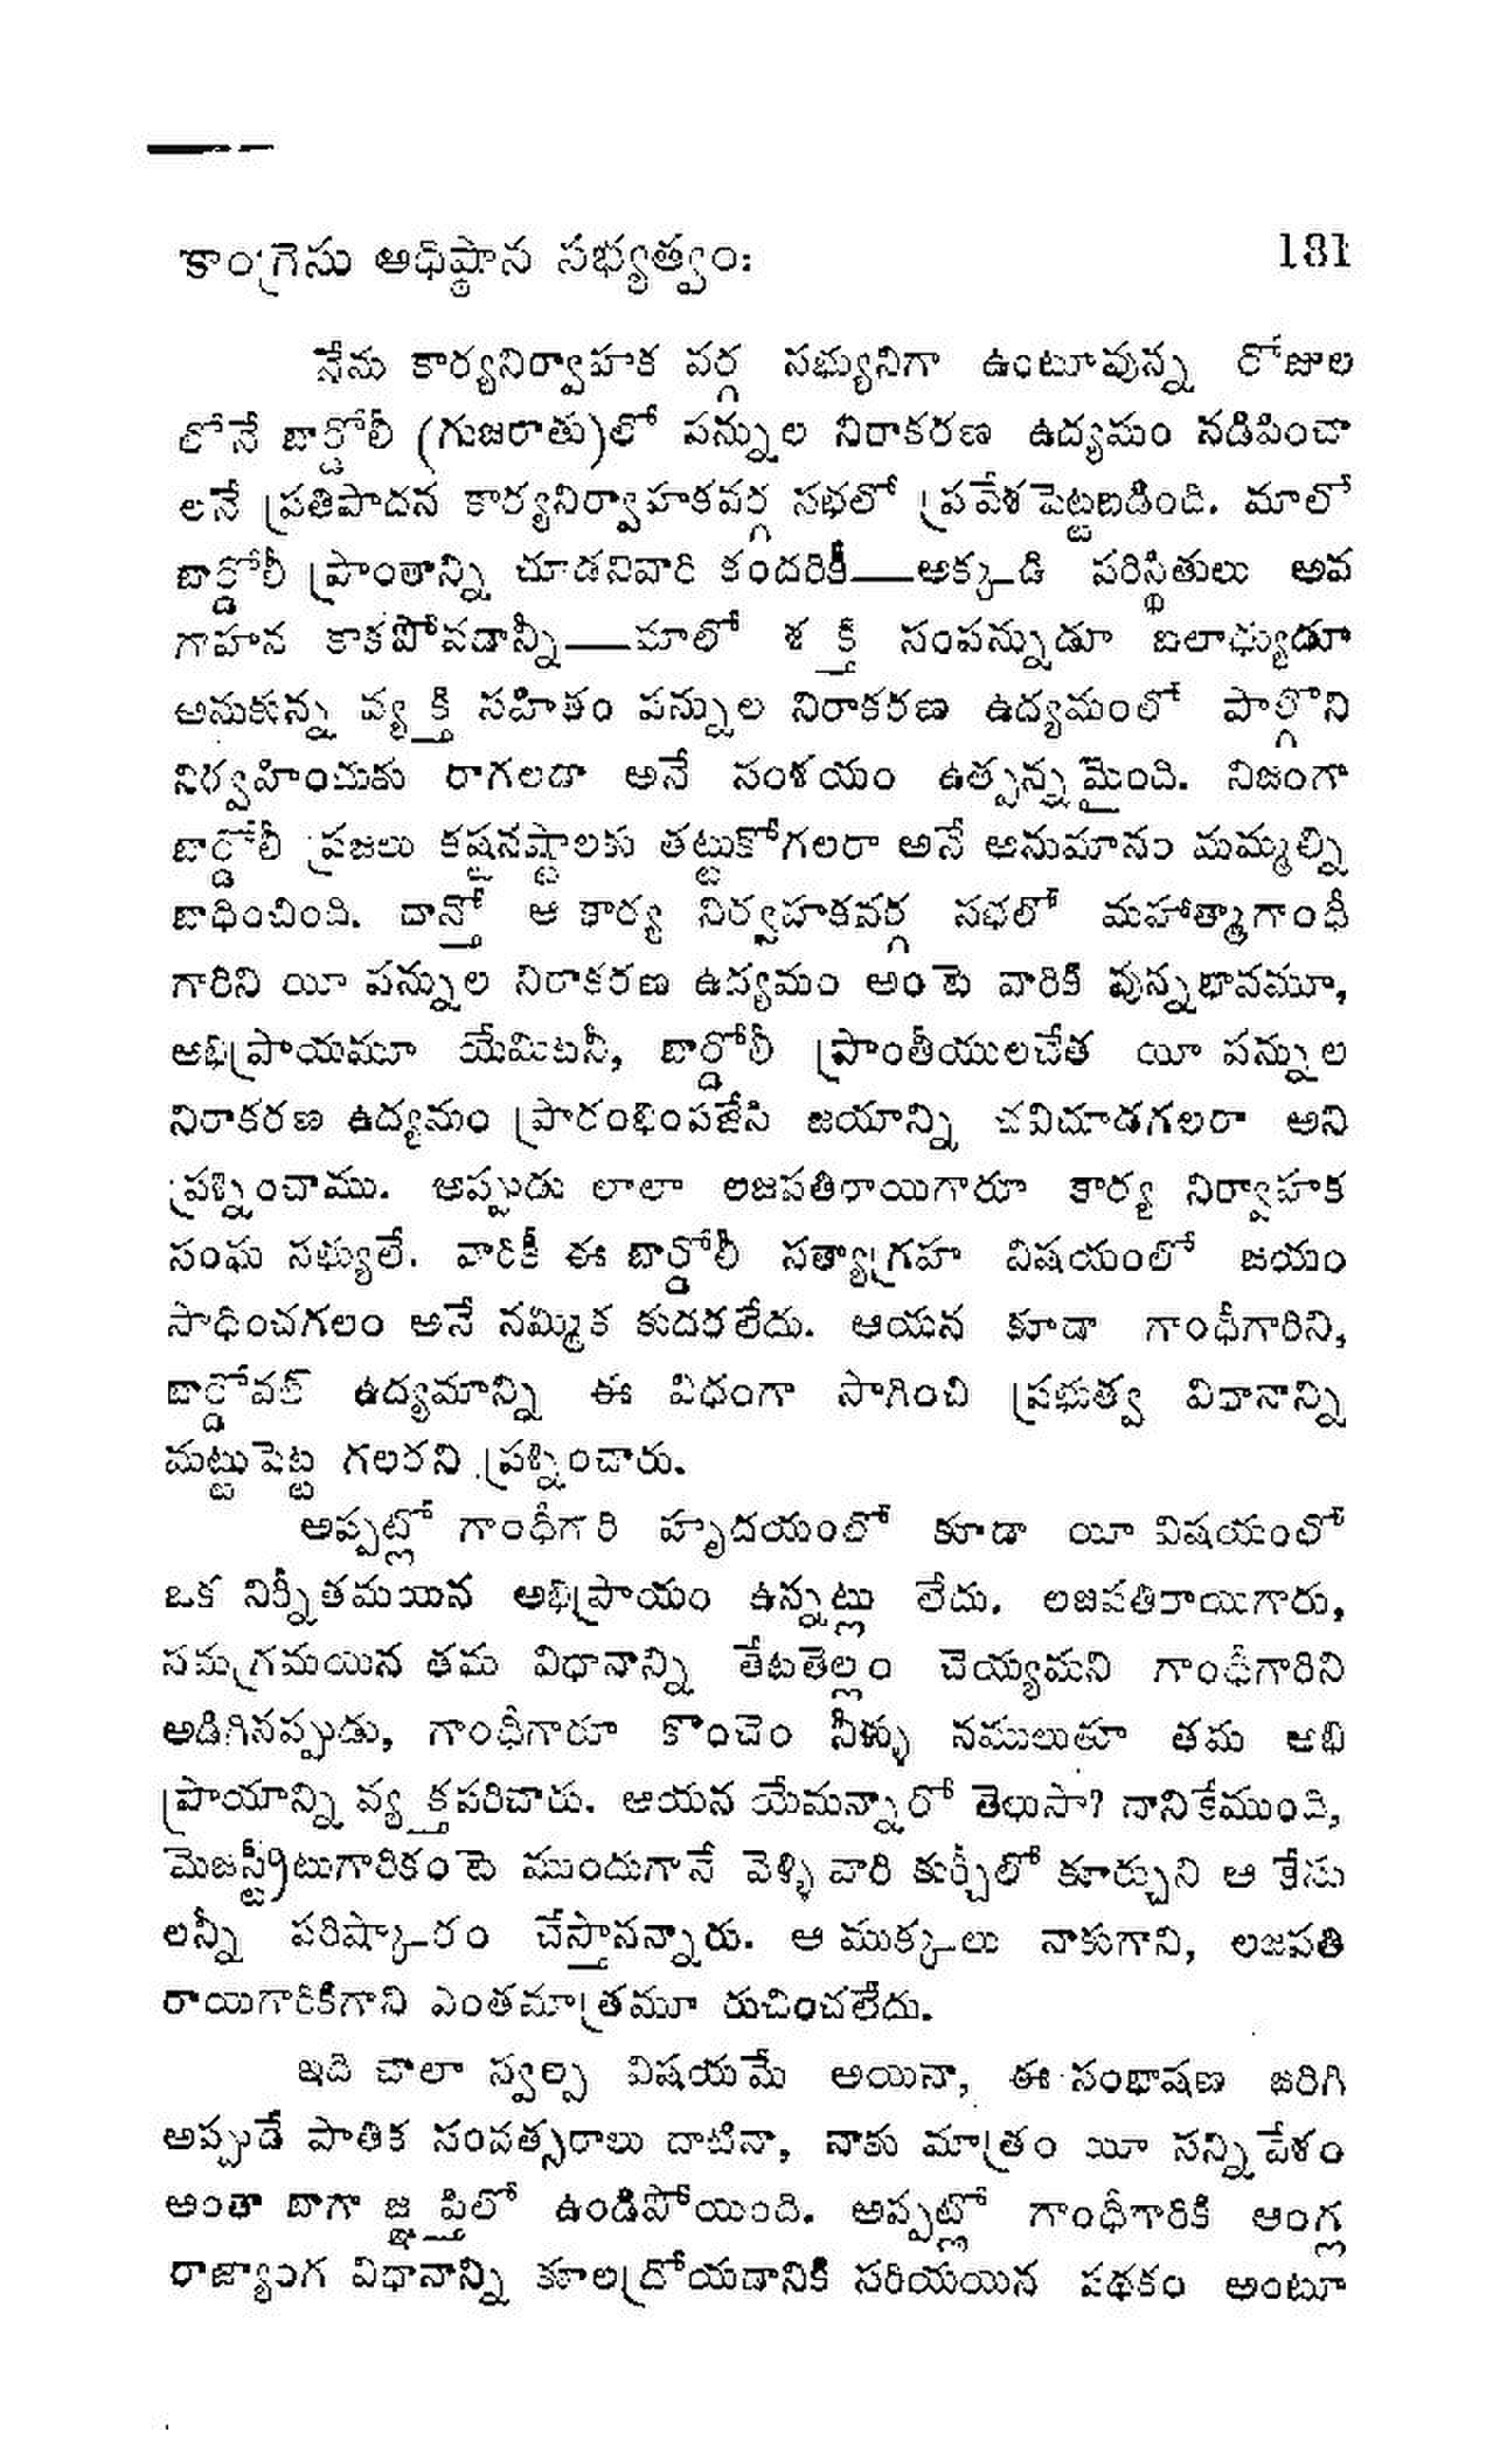నేను కార్యనిర్వాహక వర్గ సభ్యునిగా ఉంటూవున్న రోజులలోనే బార్డోలీ (గుజరాతు) లో పన్నుల నిరాకరణ ఉద్యమం నడిపించాలనే ప్రతిపాదన కార్యనిర్వాహకవర్గ సభలో ప్రవేశపెట్టబడింది. మాలో బార్డోలీ ప్రాంతాన్ని చూడనివారి కందరికీ - అక్కడి పరిస్థితులు అవగాహన కాకపోవడాన్నీ - మాలో శక్తి సంపన్నుడూ బలాధ్యుడూ అనుకున్న వ్యక్తి సహితం పన్నుల నిరాకరణ ఉద్యమంలో పాల్గొని నిర్వహించుకు రాగలదా అనే సంశయం ఉత్పన్నమైంది. నిజంగా బార్డోలీ ప్రజలు కష్టనష్టాలకు తట్టుకోగలరా అనే అనుమానం మమ్మల్ని బాధించింది. దాన్తో ఆకార్య నిర్వహకవర్గం సభలో మహాత్మగాంధీగారిని యీ పన్నుల నిరాకరణ ఉద్యమం అంటె వారికి వున్నభావమూ, అభిప్రాయమూ యేమిటనీ, బార్డోలీ ప్రాంతీయులచేత యీ పన్నుల నిరాకరణ ఉద్యమం ప్రారంభింపజేసి జయాన్ని చవిచూడగలరా అని ప్రశ్నించాము. అప్పుడు లాలా లజపతిరాయి గారూ కార్య నిర్వాహక సంఘ సభ్యులే. వారికీ ఈ బార్డోలీ సత్యాగ్రహ విషయంలో జయం సాధించగలం అనే నమ్మిక కుదరలేదు. ఆయన కూడా గాంధీగారిని, బార్డోవల్ ఉద్యమాన్ని ఈ విధంగా సాగించి ప్రభుత్వ విధానాన్ని మట్టుపెట్ట గలరని ప్రశ్నించారు.

అప్పట్లో గాంధీగారి హృదయంలో కూడా యీ విషయంలో ఒక నిర్నీతమయిన అభిప్రాయం ఉన్నట్లు లేదు. లజపతిరాయిగారు, సమగ్రమయిన తమ విధానాన్ని తేటతెల్లం చెయ్యమని గాంధీగారిని అడిగినప్పుడు, గాంధీగారూ కొంచెం నీళ్ళు నములుతూ తమ అభిప్రాయాన్ని వ్యక్తపరిచారు. ఆయన యేమన్నారో తెలుసా? దానికేముంది, మెజస్ట్రీటుగారికంటె ముందుగానే వెళ్ళి వారి కుర్చీలో కూర్చుని ఆకేసులన్నీ పరిష్కారం చేస్తానన్నారు. ఆ ముక్కలు నాకుగాని, లజపతిరాయిగారికిగాని ఎంతమాత్రమూ రుచింపలేదు.

ఇది చాలా స్వల్ప విషయమే అయినా, ఈ సంభాషణ జరిగి అప్పుడే పాతిక సంవత్సరాలు దాటినా, నాకు మాత్రం యీ సన్నివేశం అంతా బాగా జ్ఞప్తిలో ఉండిపోయింది. అప్పట్లో గాంధీగారికి ఆంగ్లరాజ్యాంగ విధానాన్ని కూలద్రోయడానికి సరియయిన పథకం అంటూ